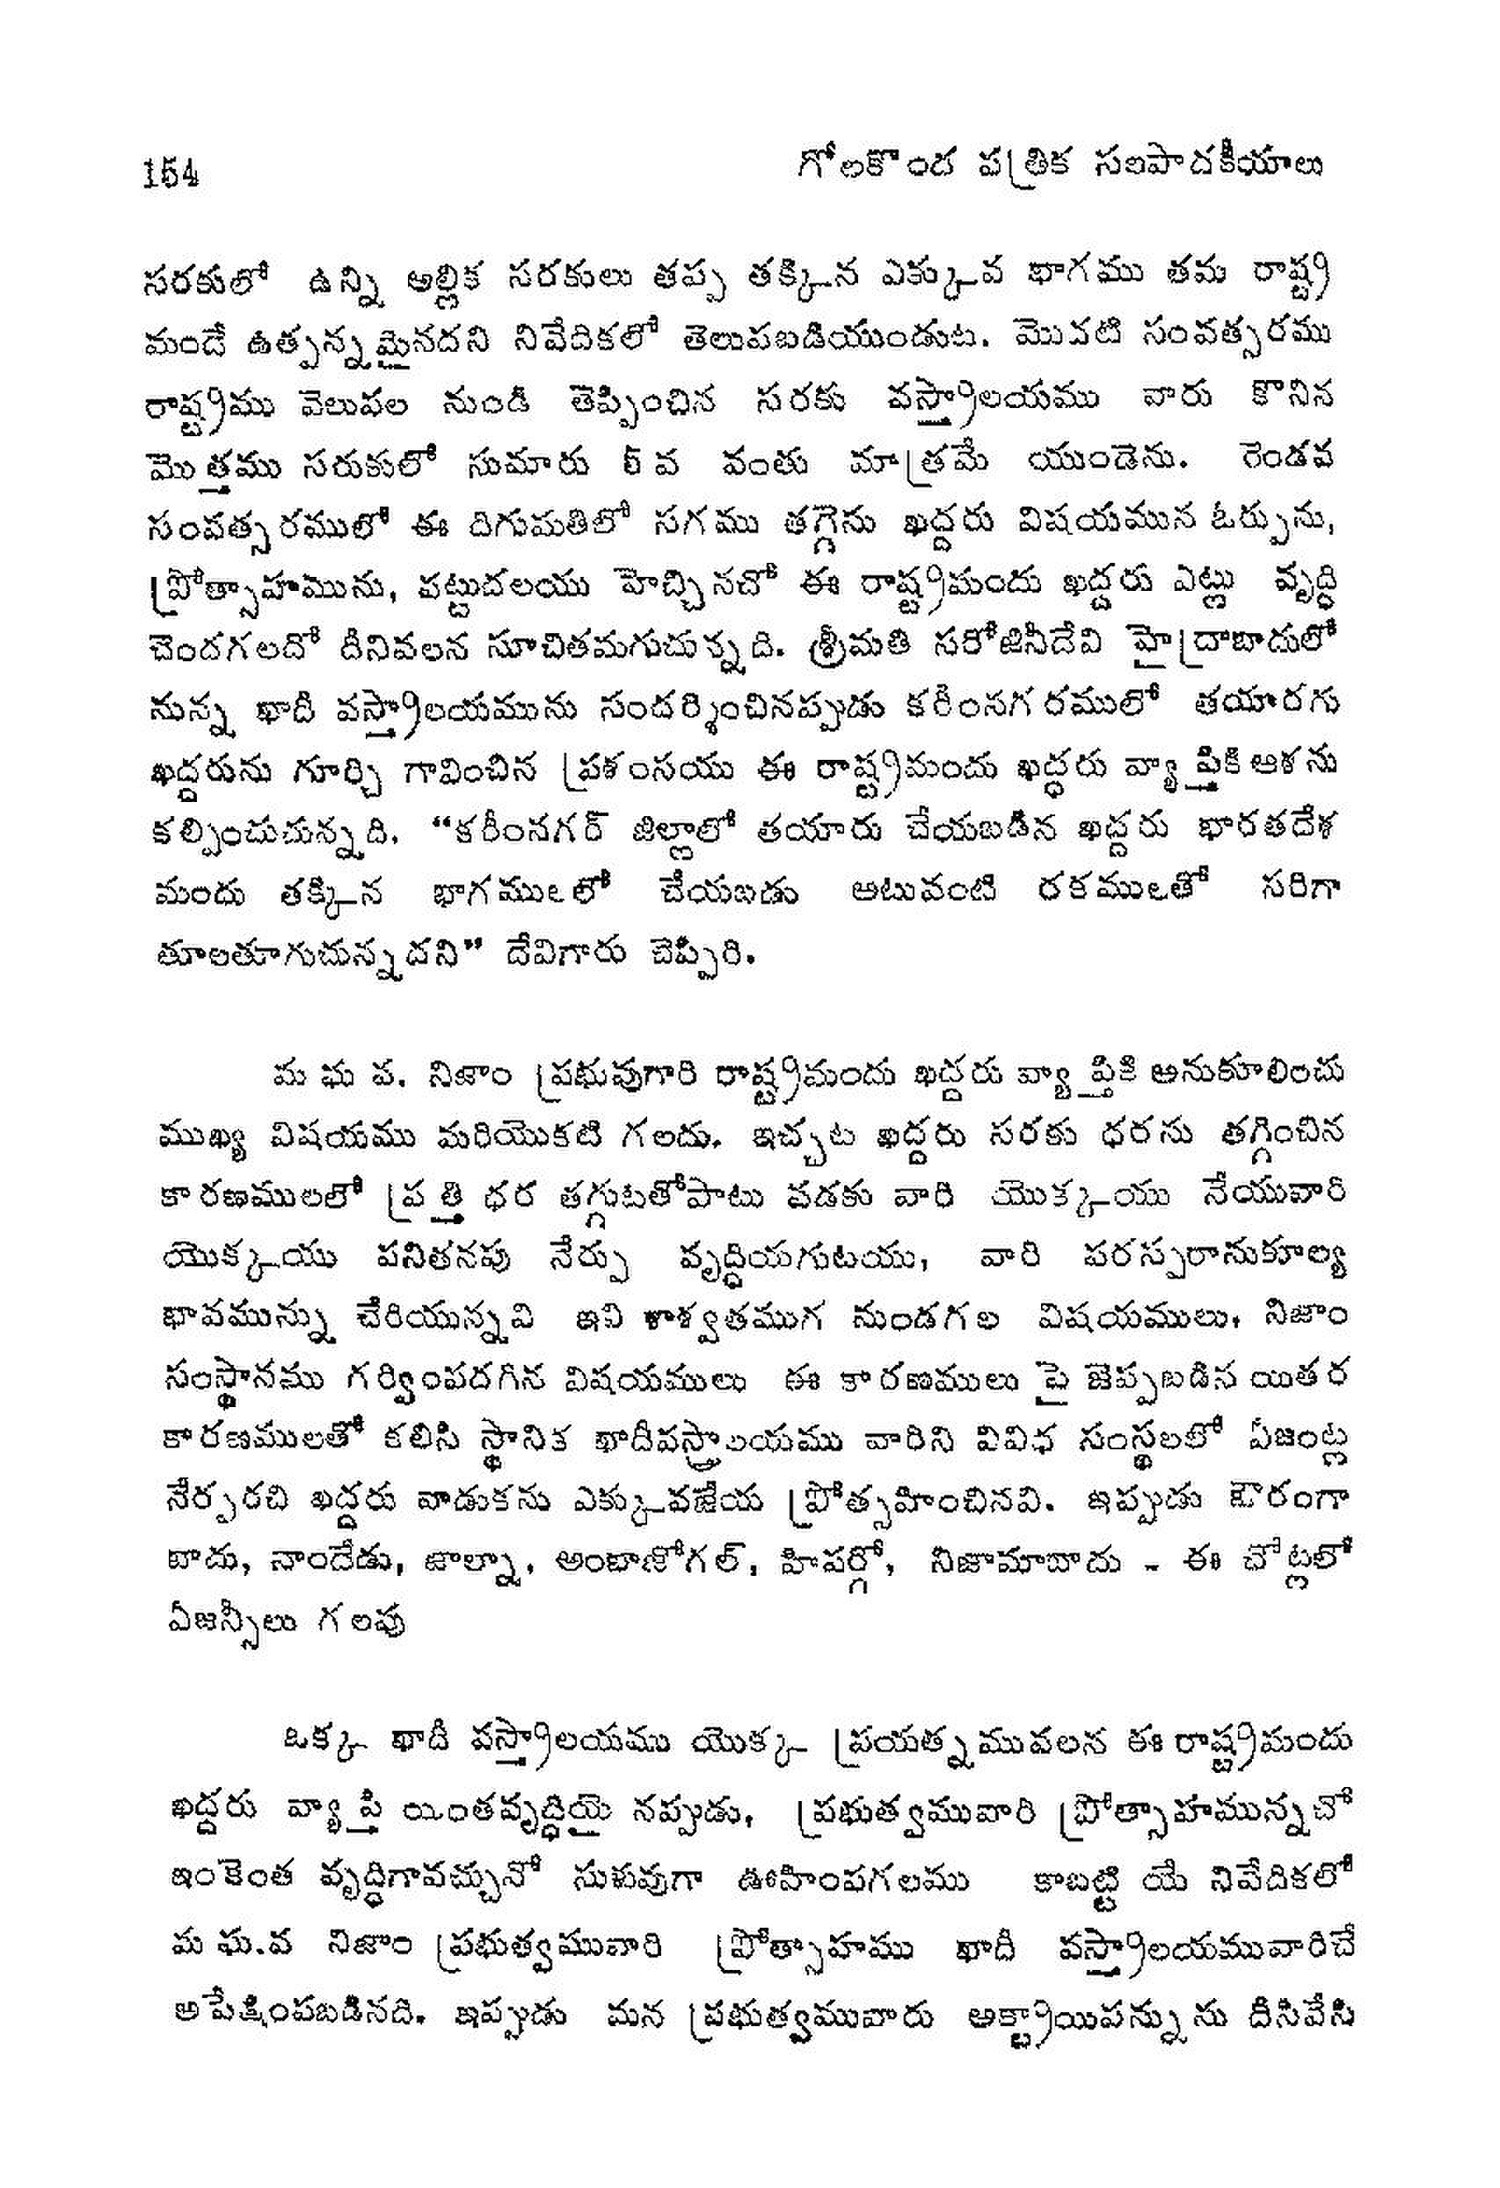సరకులో ఉన్ని అల్లిక సరకులు తప్ప తక్కిన ఎక్కువ భాగము తమ రాష్ట్రమందే ఉత్పన్నమైనదని నివేదికలో తెలుపబడియుండుట. మొదటి సంవత్సరము రాష్ట్రము వెలుపల నుండి తెప్పించిన సరకు వస్త్రాలయము వారు కొనిన మొత్తము సరుకులో సుమారు 5 వ వంతు మాత్రమే యుండెను. రెండవ సంవత్సరములో ఈ దిగుమతిలో సగము తగ్గెను ఖద్దరు విషయమున ఓర్పును, ప్రోత్సాహమును, పట్టుదలయు హెచ్చినచో ఈ రాష్ట్రమందు ఖద్దరు ఎట్లు వృద్ధి చెందగలదో దీనివలన సూచితమగుచున్నది. శ్రీమతి సరోజినీదేవి హైద్రాబాదులో నున్న ఖాదీ వస్త్రాలయమును సందర్శించినప్పుడు కరీంనగరములో తయారగు ఖద్దరును గూర్చి గావించిన ప్రశంసయు ఈ రాష్ట్రమందు ఖద్దరు వ్యాప్తికి ఆశను కల్పించుచున్నది. “కరీంనగర్ జిల్లాలో తయారు చేయబడిన ఖద్దరు భారతదేశమందు తక్కిన భాగములలో చేయబడు అటువంటి రకములతో సరిగా తులతూగుచున్నదని" దేవిగారు చెప్పిరి.

మ. ఘ. వ. నిజాం ప్రభువుగారి రాష్ట్రమందు ఖద్దరు వ్యా ప్తికి అనుకూలించు ముఖ్య విషయము మరియొకటి గలదు. ఇచ్చట ఇద్దరు సరకు ధరను తగ్గించిన కారణములలో ప్రత్తి ధర తగ్గుటతోపాటు వడకు వారి యొక్కయు నేయువారి యొక్కయు పనితనపు నేర్పు వృద్దియగుటయు, వారిపరస్పరానుకూల్యభావమున్ను చేరియున్నవి ఇవి శాశ్వతముగ నుండగల విషయములు, నిజాం సంస్థానము గర్వించదగిన విషయములు ఈ కారణములు పై జెప్పబడిన యితర కారణములతో కలిసి స్థానిక ఖాదీవస్త్రాలయము వారిని వివిధ సంస్థలలో ఏజంట్ల నేర్పరచి ఖద్దరు వాడుకను ఎక్కువజేయ ప్రోత్సహించినవి. ఇప్పుడు ఔరంగాబాదు, నాందేడు, జాల్నా. అంబాజోగల్, హిపర్గో, నిజామాబాదు - ఈ చోట్లలో ఏజన్సీలు గలవు

ఒక్క ఖాదీ వస్త్రాలయము యొక్క ప్రయత్నమువలన ఈ రాష్ట్రమందు ఖద్దరు వ్యాప్తి యింతవృద్ధియై నప్పుడు, ప్రభుత్వమువారి ప్రోత్సాహమున్నచో ఇంకెంత వృద్ధిగావచ్చునో సుళువుగా ఊహింపగలము కాబట్టి యే నివేదికలోమ. ఘ.వ నిజాం ప్రభుత్వమువారి ప్రోత్సాహము ఖాదీ వస్త్రాలయమువారిచే అపేక్షింపబడినది. ఇప్పుడు మన ప్రభుత్వమువారు అక్ట్రాయిపన్నును దీసివేసి